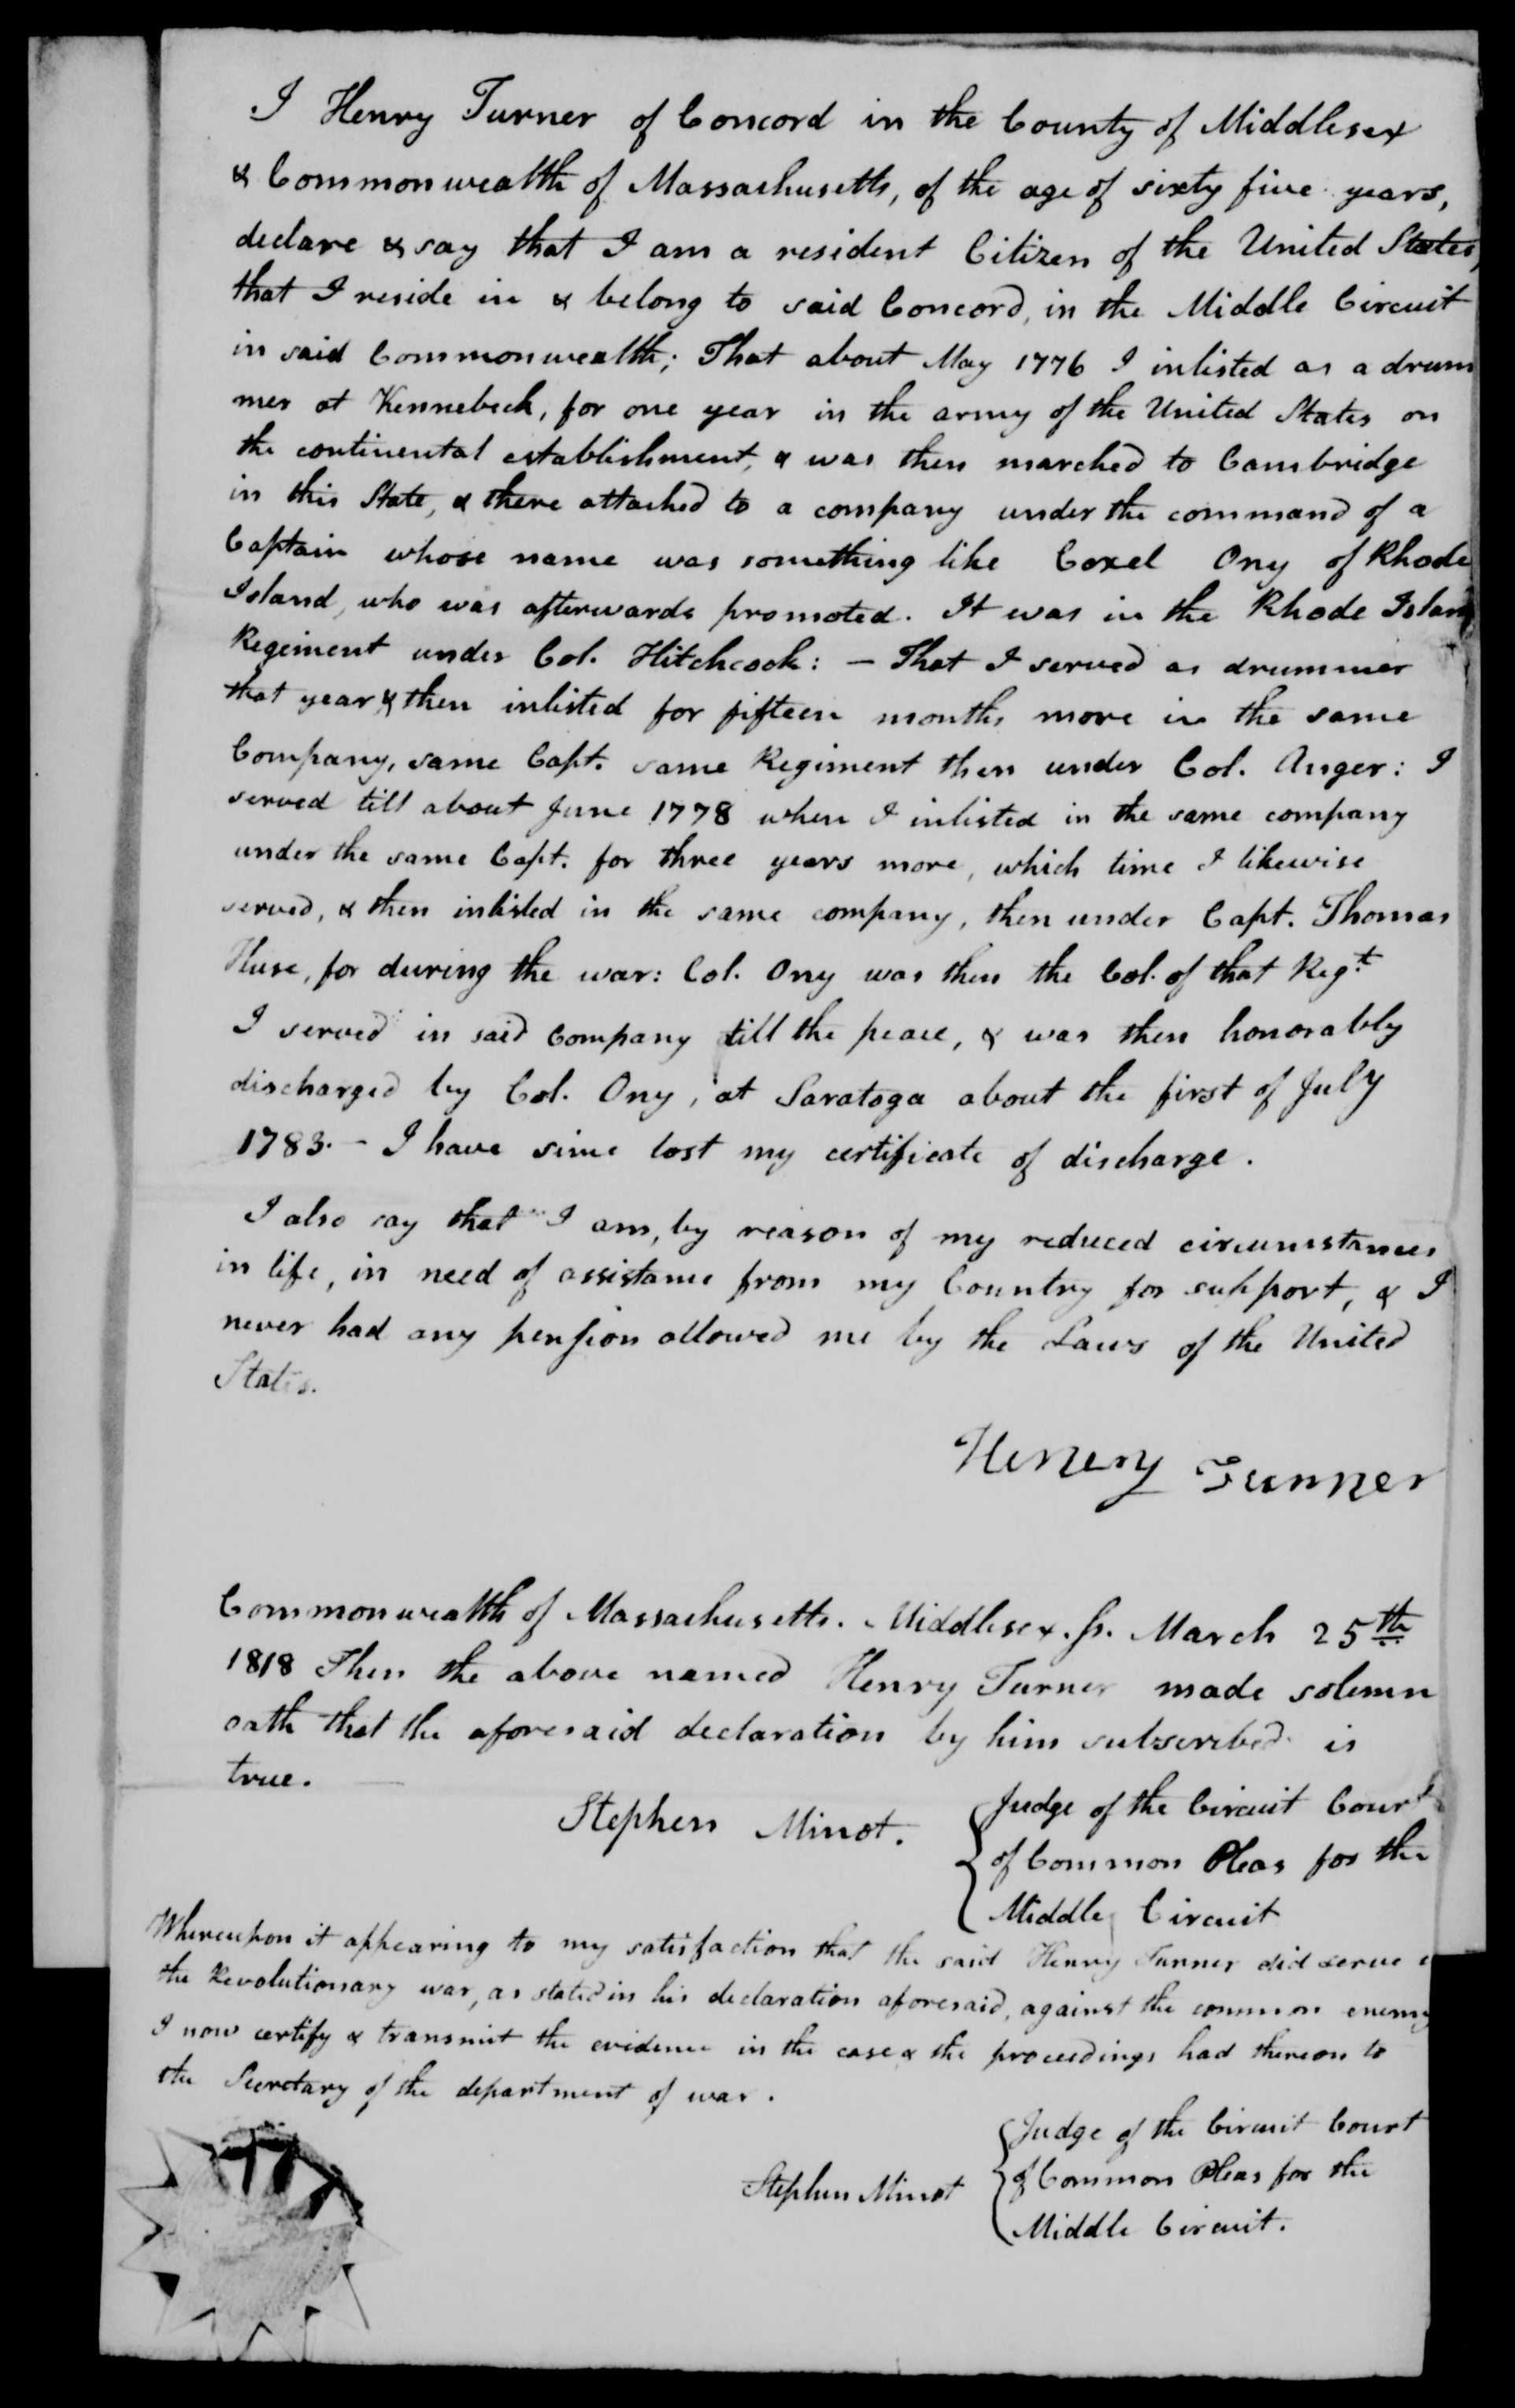I Henry Turner of Concord in the County of Middlesex & Commonwealth of Massachusetts, of the age of sixty five years, declare or say that I am a resident Citizen of the United States, that I reside in & belong to said Concord, in the Middle Circuit in said Commonwealth; That about May 1776 I inlisted as a drummer at Kennebeck, for one year in the army of the United States on the continental establishment & was there marched to Cambridge in this State, & there attached to a company under the command of a Captain whose name was something like Coxel Ony of Rhode Island, who was afterward promoted. It was in the Rhode Island Regiment under Col. Hitchcock: - That I served as drummer that year & ten inlisted for fifteen months more in the same Company, same Capt. same Regiment then under Col,. Anger: I served till about June 1778 when I inlisted in the same company under the same Capt. for three years more, which time I likewise served, & then inlisted in the same company, then under Capt. Thomas Huse, for during the war: Col. Ony was then the Col of that Reg't. I served in said company till the peace, & was then honorably discharged by Col. Ony, at Saratoga about the first of July 1783. I have since lost my certificate of discharge.

I also say that I am, by reason of my reduced circumstances in life, in need of assistance from my Country for support, & I never had any pension allowed me by the Laws of the United States.

Henry Turner [signature]



Commonwealth of Massachusetts, Middlesex Co. March 25th 1818. Then the above named Henry Turner made solemn   oath that the aforesaid declaration by him subscribed is true.

Stephen Minot [signature] {Judge of the Circuit Court of Common Pleas for the Middle Circuit}



Whereupon it appearing to my satisfaction that the said Henry Turner did swerve in the Revolutionary war, as stated in his declaration aforesaid, against the common enemy. I now certify & transmit the evidence in this case & the proceedings had thereon to the Secretary of the department of war. 

Stephen Minot [signature] {Judge of the Circuit Court of Common Pleas for the Middle Circuit}


[Stamp] Seal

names: Thomas Huse, Stephen Minot, Henry Turner, Anger, Henery Turner, Henry Turner, Stephen Minot, Ony, Ony, Henry Turner, Hitchcock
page: 4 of 11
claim: survivor's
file: S. 33842, Henry Turner, R.I.